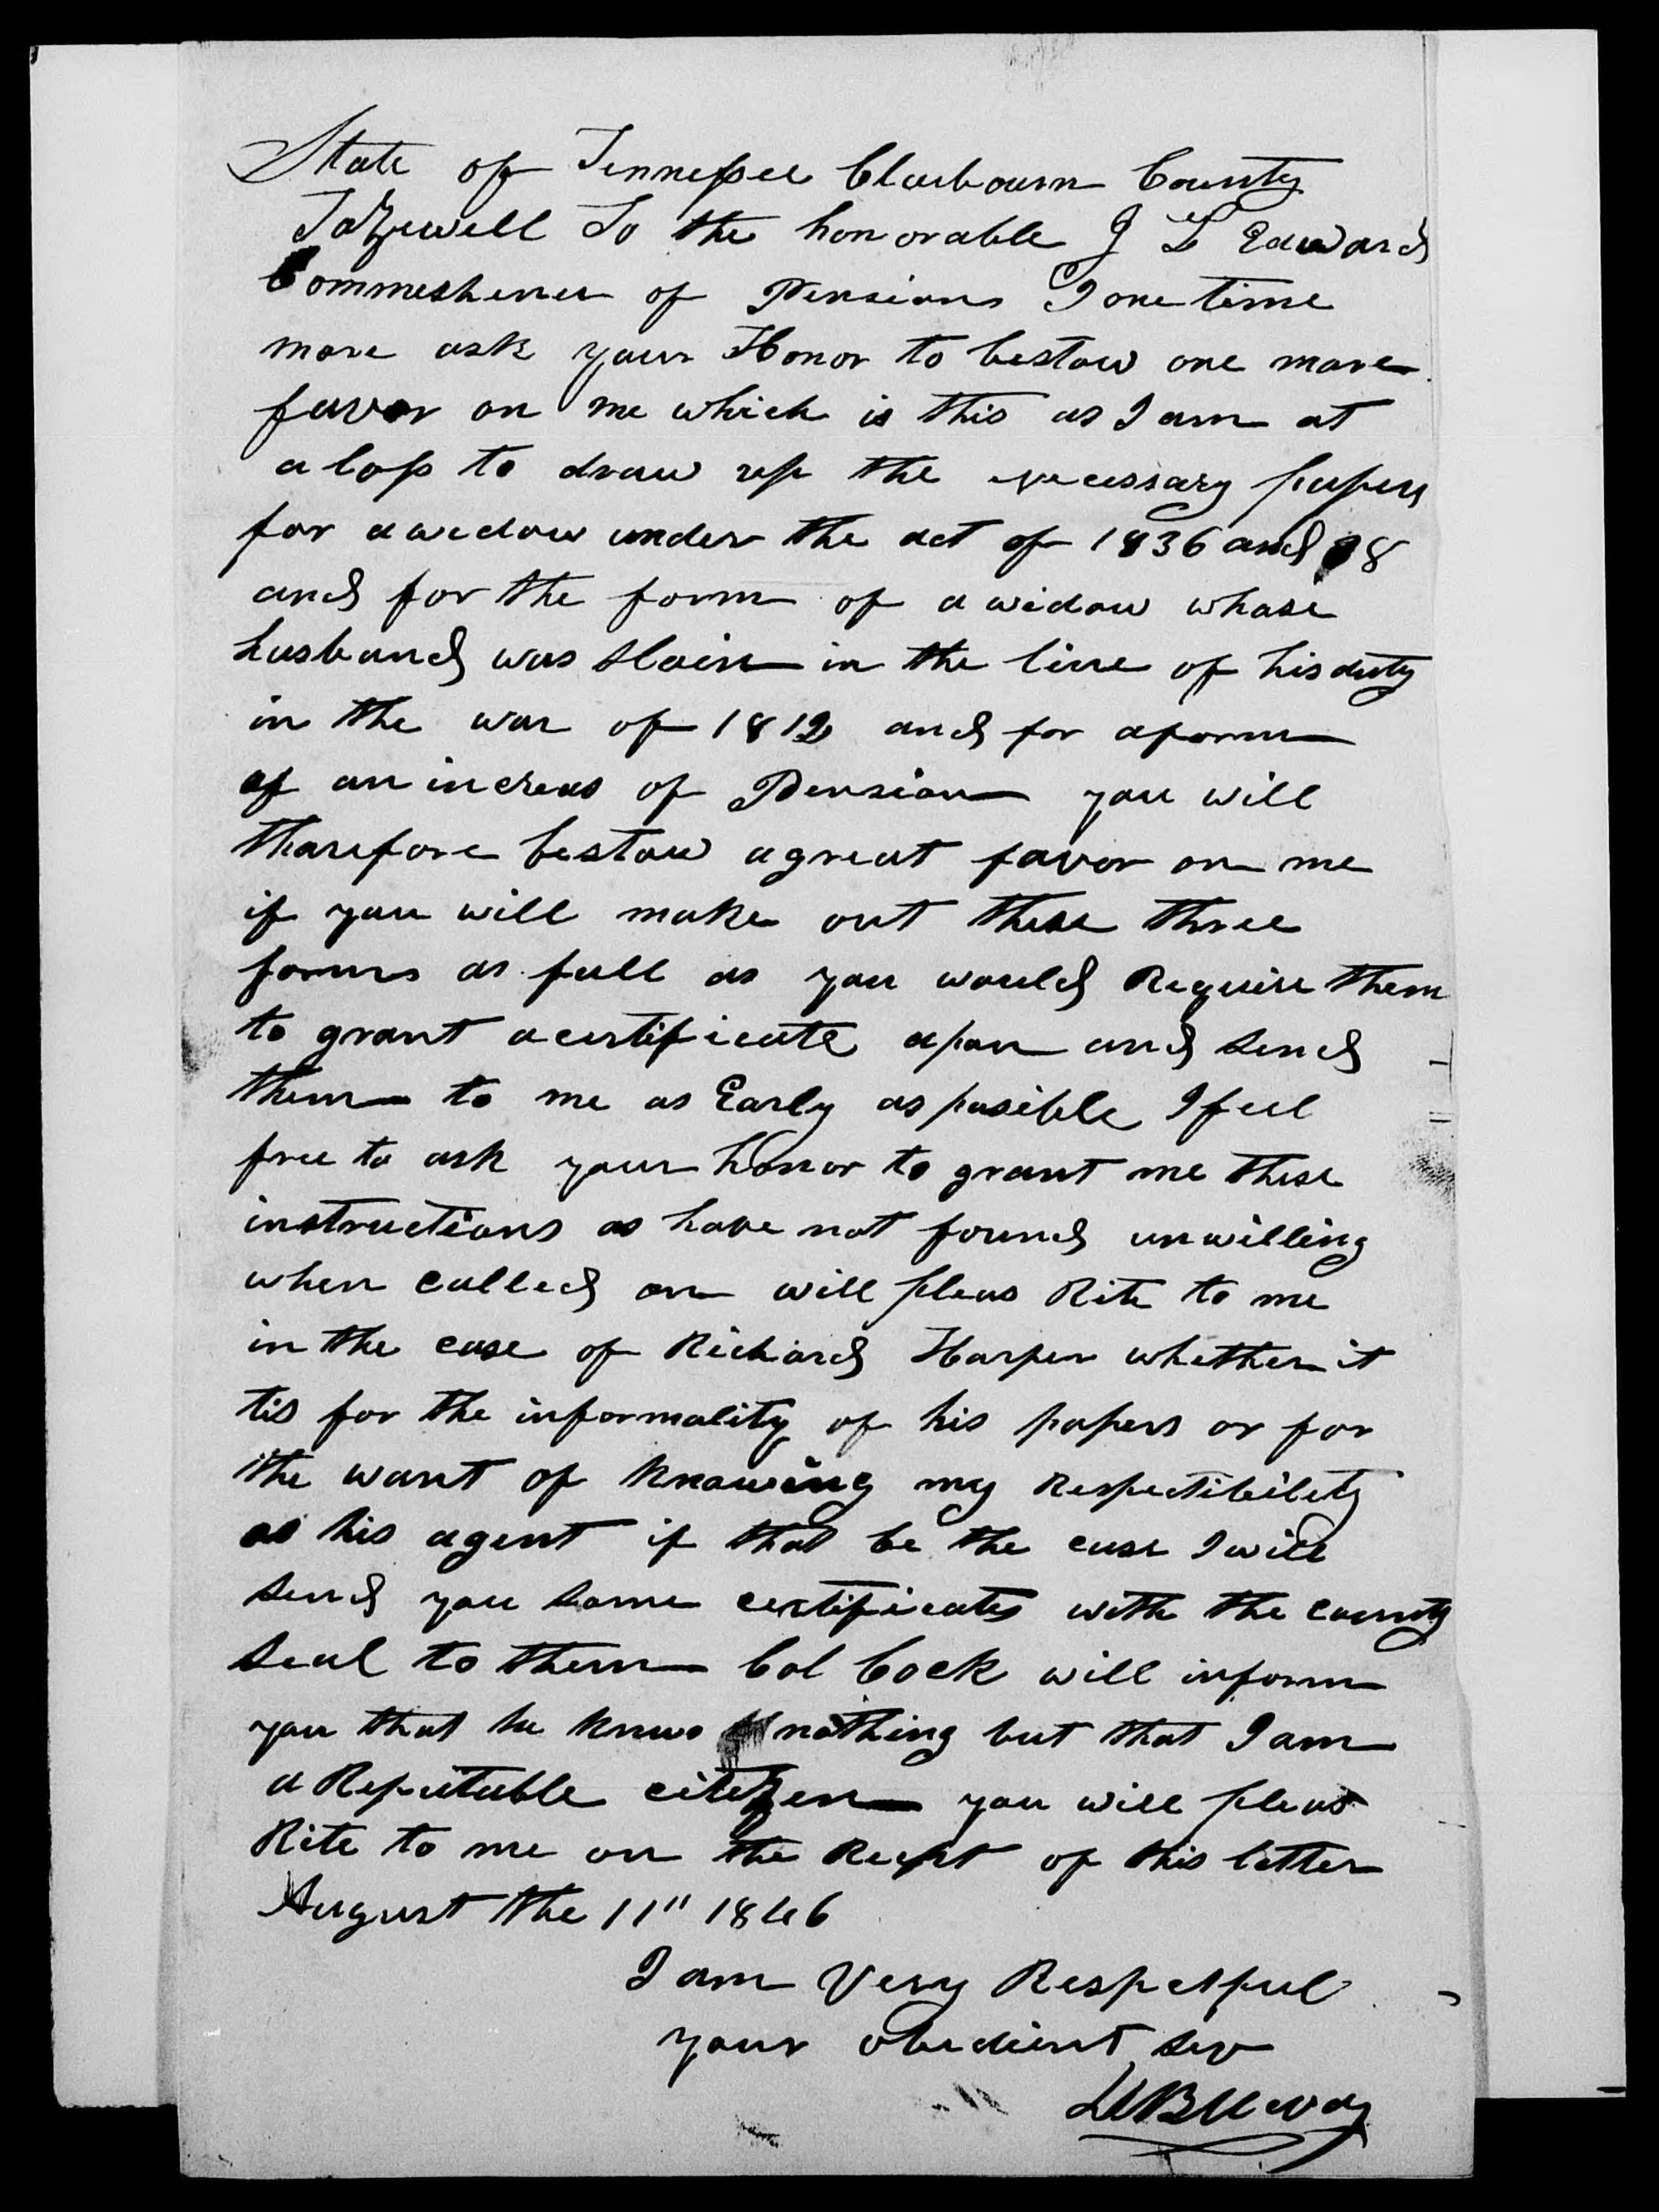State of Tennessee Claibourn County
Tazewell To the honorable J L Edwards
Commishener of Pensions one time
more ask your Honor to bestow one more
favor on me which is this as I am at
a loss to draw up the necessary papers
for a widow under the act of 1836 and 38
and for the form of a widow whose
husband was slain in the line of his duty
in the war of 1812 and for a form
of an increas of Pension you will
therefore bestow a great favor on me
if you will make out these three
forms as full do you would require them
to grant a certificate upon and send
them to me as early as posible I feel
free to ask your honor to grant me these
instructions as have not found unwilling
when called on will pleas rite to me
in the case of Richard Harper whether it
tis for the informality of his papers or for
the want of knowing my respectibility
as his agent if that be the case I will
send you some certificates with the County
seal to them Col Cock will inform
you that he knows nothing but that I am
a Reputable citizen you will pleas
Rite to me on the receipt of this letter
August the 11 1846
I am Very Respetful
your obedient sev [serveant]
D B McVey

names: J L Edwards, Richard Harper, D B Mc Vey, Cock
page: 50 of 81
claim: survivor's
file: S. 1908, Richard Harper, N.C.